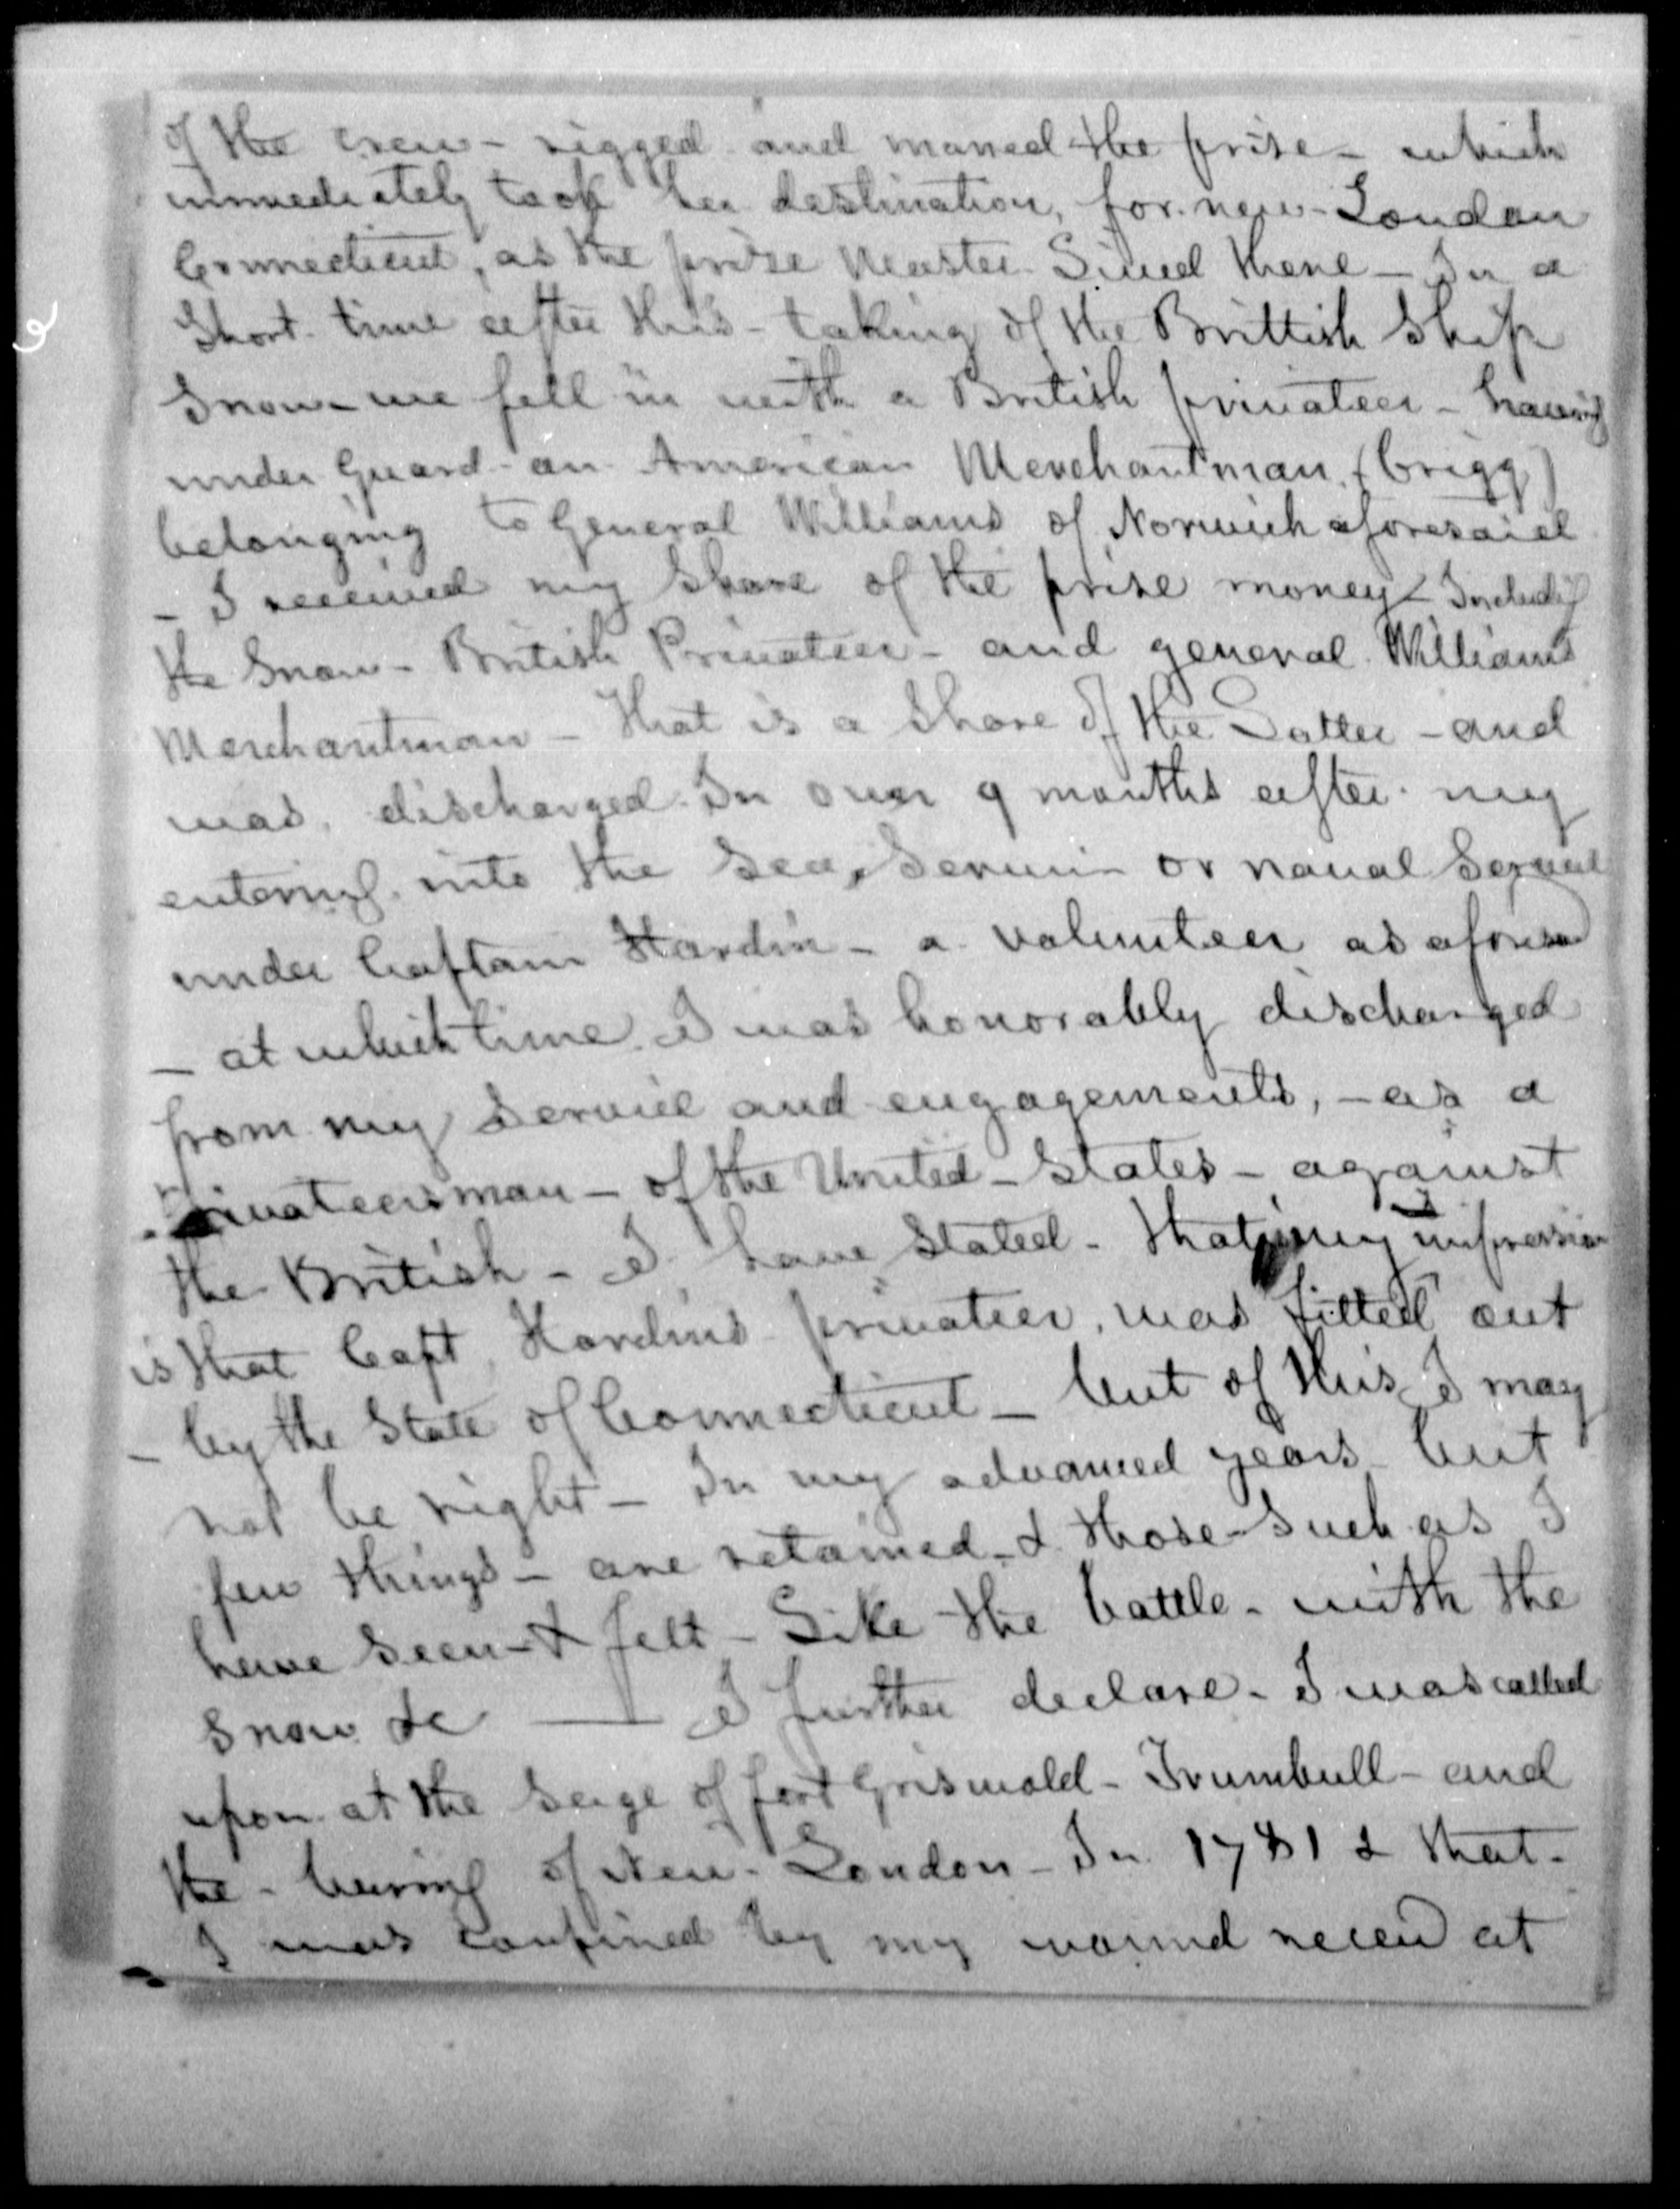of the crew - Signed and maned the prize which immediately took her destination, for New London, Connecticut at the prose Master. Sailed there in a short time after this taking of the British Ship Snow we fell in with a British privateer - having under Guard an American Merchantman (Brigg) belonging to General Williams of Norwich aforesaid
I received my share of the prize money- Including the snow- British Privateer-and General Williams Merchantman-
That is a share of the Latter- and was discharged. In over 9 months after my
entering into the sea, Serving or naval Servant
under Captain Hardin - a volunteer as afore
at which time I was honorably discharged
from my service and engagements - as a
Watersman of the United States, against the British - I have stated. That is my impression is
that Capt. Hardins - privateer, was fitted, out
the State of Connecticut - but of this I may
not be right- In my advanced years but
few things - are retained & those such as I have seen & felt - like the battle, with the
Snow - I further declare. I was called
upon at the Siege of Fort Griswald - Trumbull and the burning of New London - In 1781 & that confined by my wound [heed] at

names: [BLANK] Williams; [BLANK] Hardin; [BLANK] Hardin; [BLANK] Trumbull; [BLANK] Williams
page: 5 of 30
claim: rejected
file: R. 8625, for Elisha Razar, Connecticut